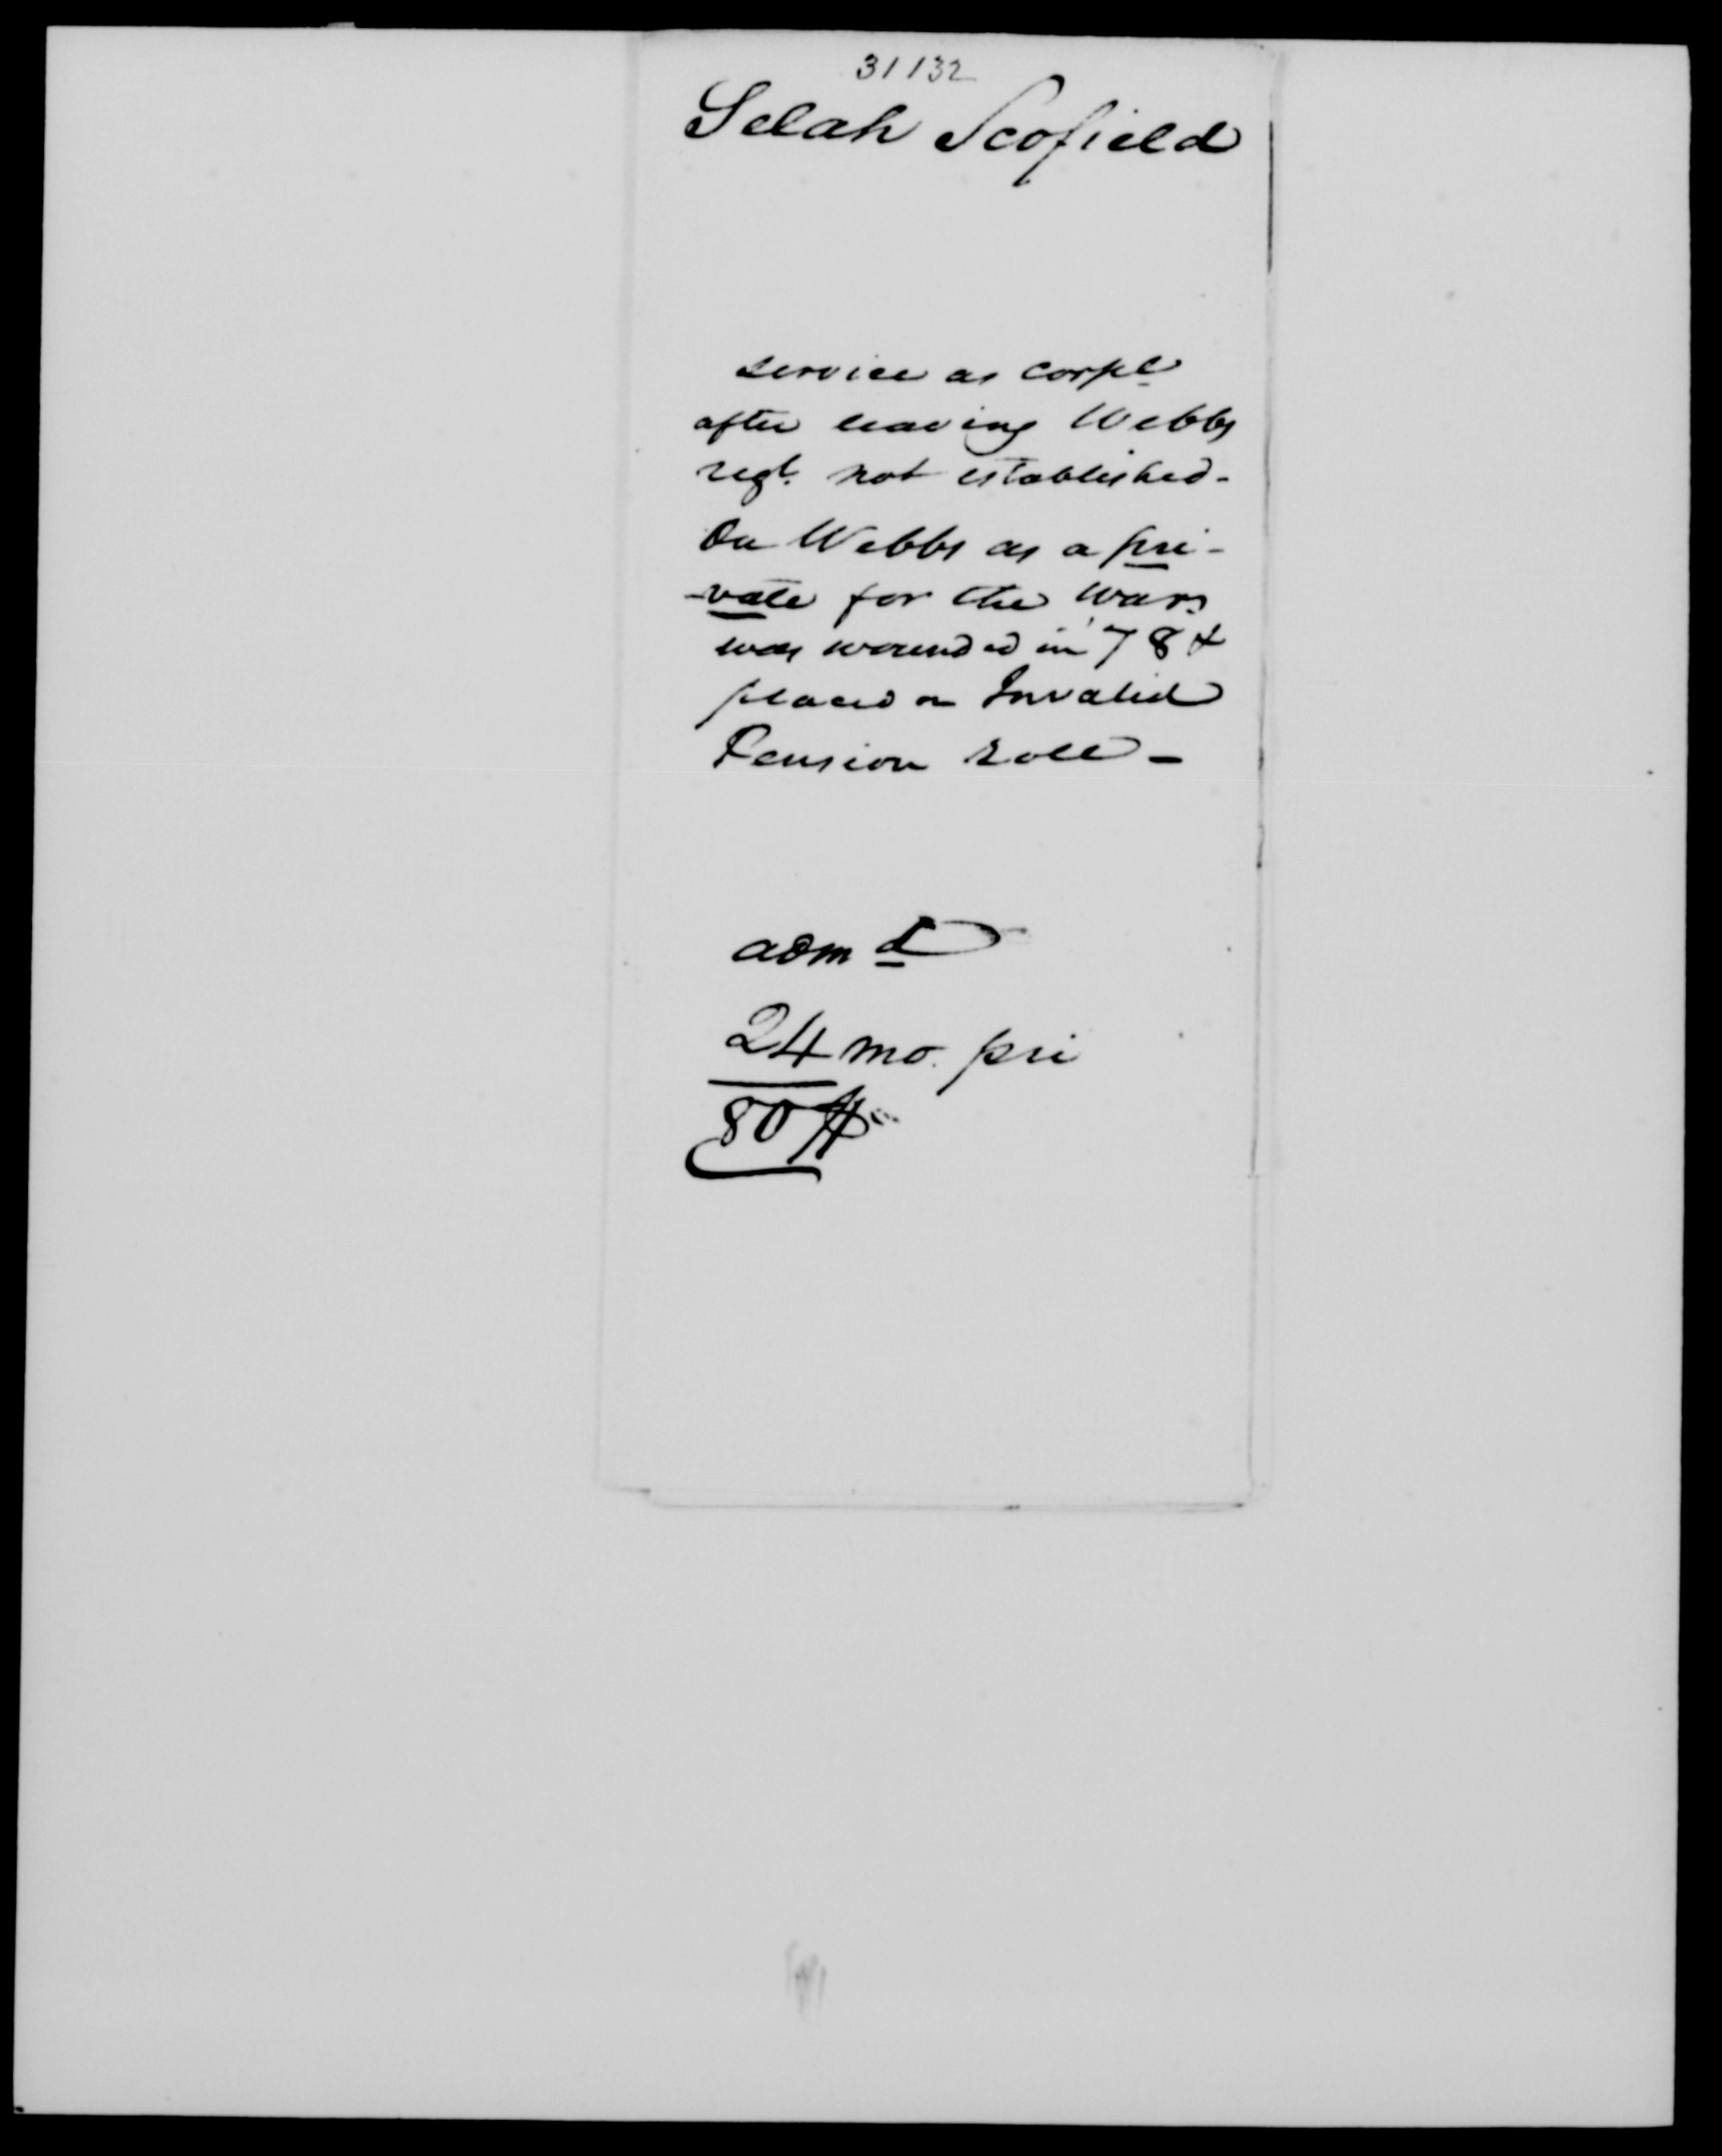31132 
Selah Scofield 
service as Corpl after leaving Webbs regt not established 
On Webbs as a private for the war 
was wounded in 78 & placed or Invalid Pension roll 
Adm’d 
24 mo pri
$80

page: 22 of 36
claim: survivor's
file: S. 10,004, for Seely Scofield, Connecticut